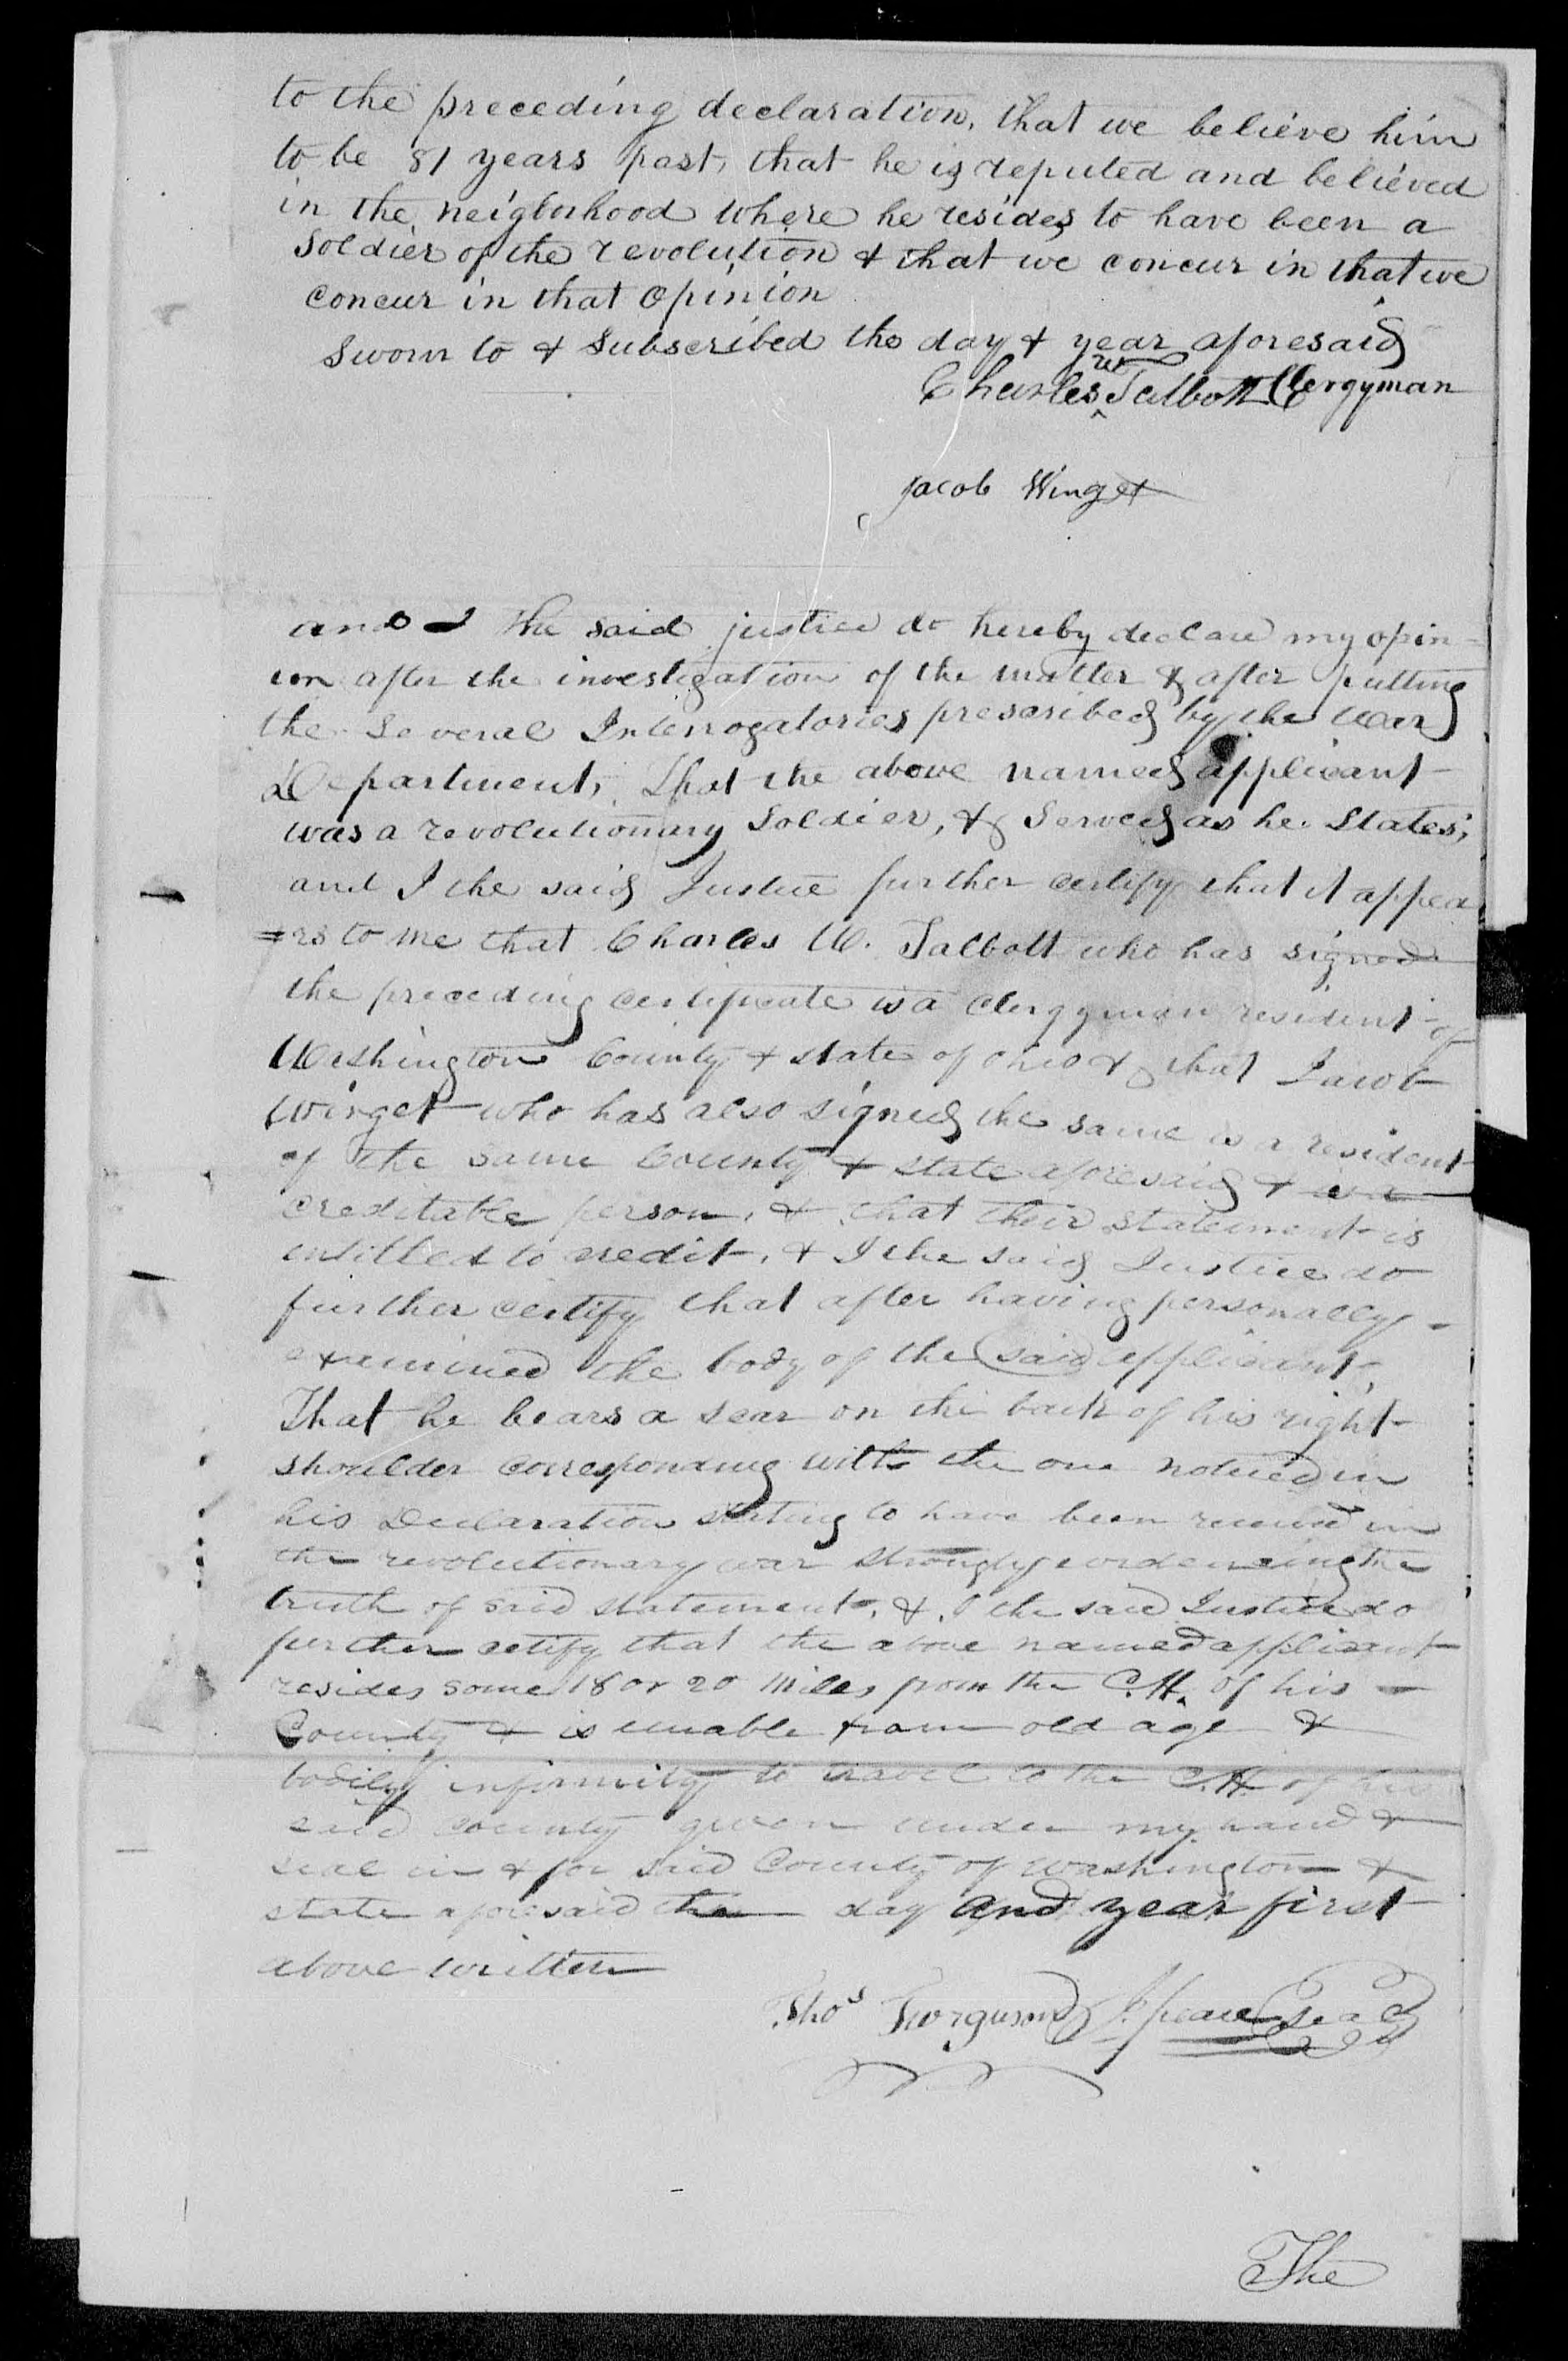to the preceding declaration that we believe him to be 81 years past that he is reputed and believed in the neighborhood where he resides to have been a soldier of the revolution & that we concur in that we concur in that opinion.

Sworn to & subscribed the day & year aforesaid.

Charles W Talbott - Clergyman
Jacob Winget

And the said justice do hereby declare my opinion after the investigation of the matter & after putting the several interrogatories prescribed by the War Department that the above named applicant was a revolutionary soldier & served as he states; and I the said Justice further certify that it appears to me that Charles W Talbott who has signed the preceding certificate is a clergyman resident in Washington County & state of Ohio & that Jacob Winget who has also signed the same is a resident of the same county & state aforesaid & are credible persons & that their statement is entitled to credit & I the said Justice do further certify that after having personally examined the body of the said applicant that he bears a scar on the back of his right shoulder corresponding with the one noticed in his declaration starting to have been received in the revolutionary war strongly evidencing the truth of said statement & I the said Justice do further certify that the above named applicant resides some 18 or 20 miles from the C.H. of his county & is unable form old age & bodily infirmity to travel to the C.H. of his said county given under my hand & seal in & for said county of Washington & state aforesaid this day and year first above written.

Thos. Ferguson - J. Peace
SEAL

The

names: Jacob Winget, Charles W Talbott, Thos Ferguson, Charles W Talbott, Jacob Winget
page: 8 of 35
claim: rejected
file: R. 2066, William Clutter, New Jersey